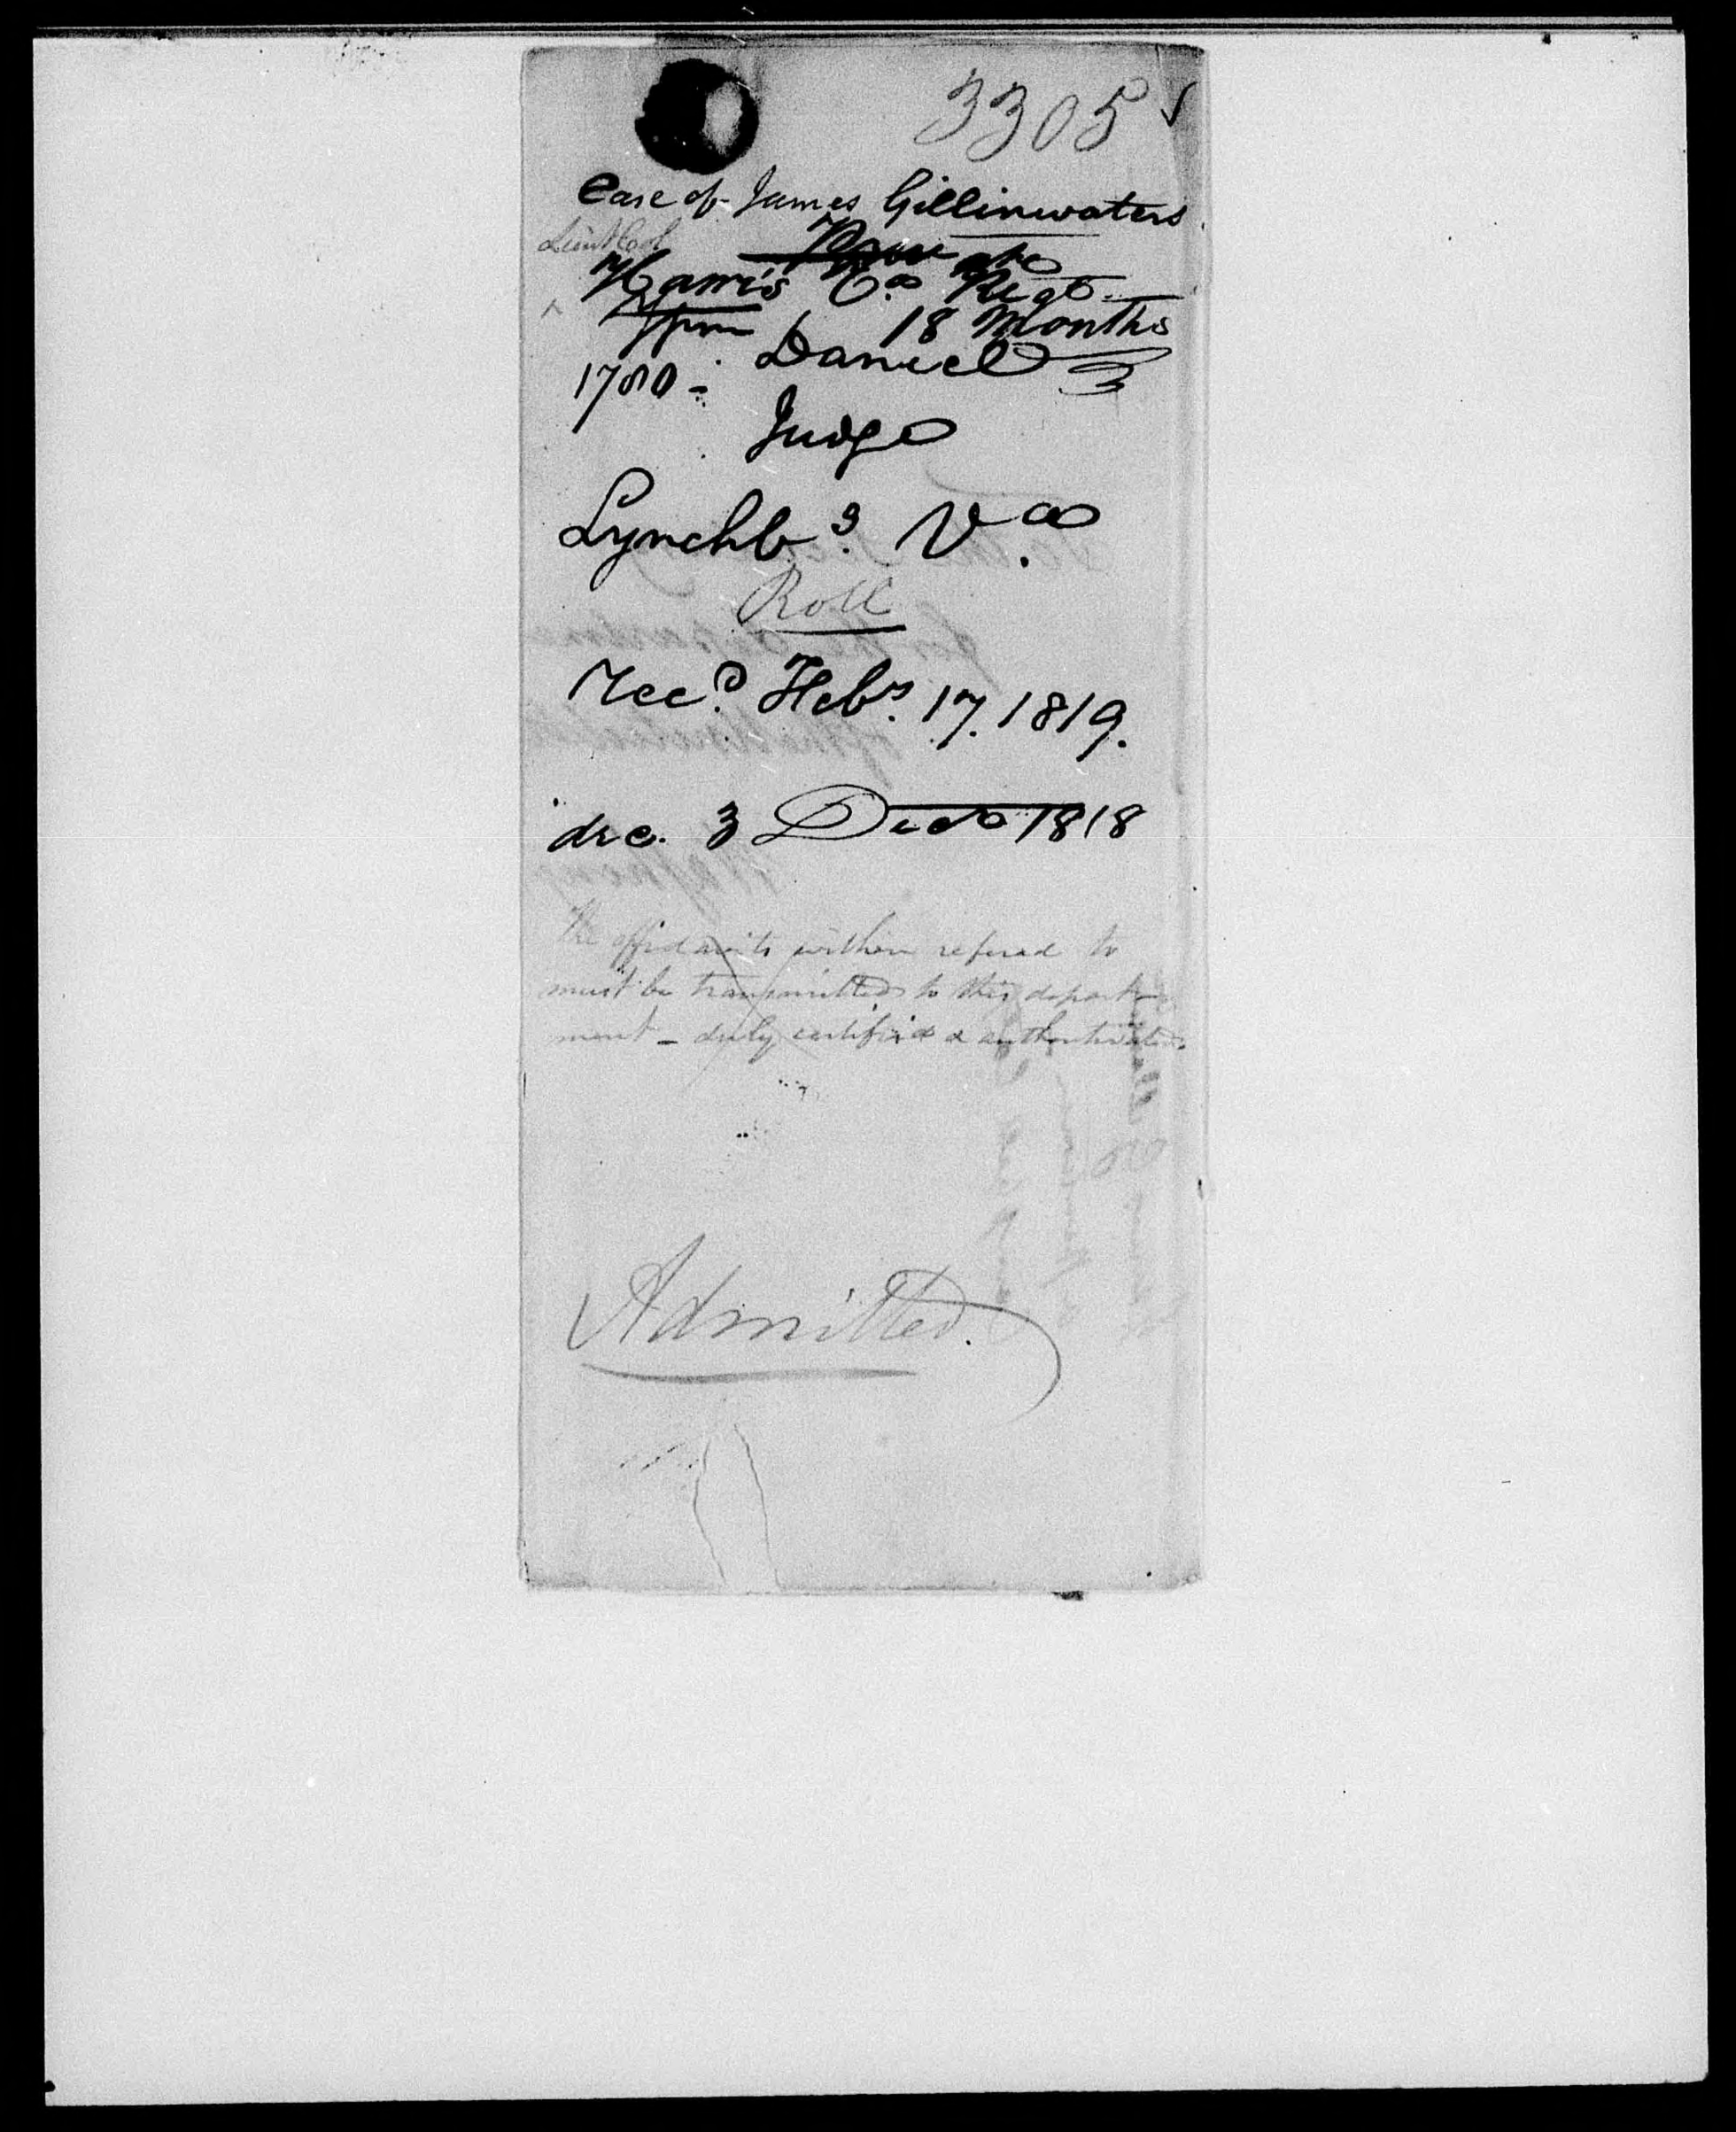[stamp or ink spot] 3305
Case of James Gillinwaters [sic]
Lieut Col 70 [illegible]
Harris     6.00 [illegible] Regt
18 months
[illegible] Daniel
1780-
Judge
Lynchb & Va
Roll. 1819.

Recd. Feb. 17
drc. 3 Decr 1818
[crossed out] The affidavit within refered [sic] to must be transmitted to this department- duly certified + has then [illegible].

Admitted.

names: Wm Daniel, James Gillingwater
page: 11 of 36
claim: survivor's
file: S. 39570, James Gillingwater, Va.